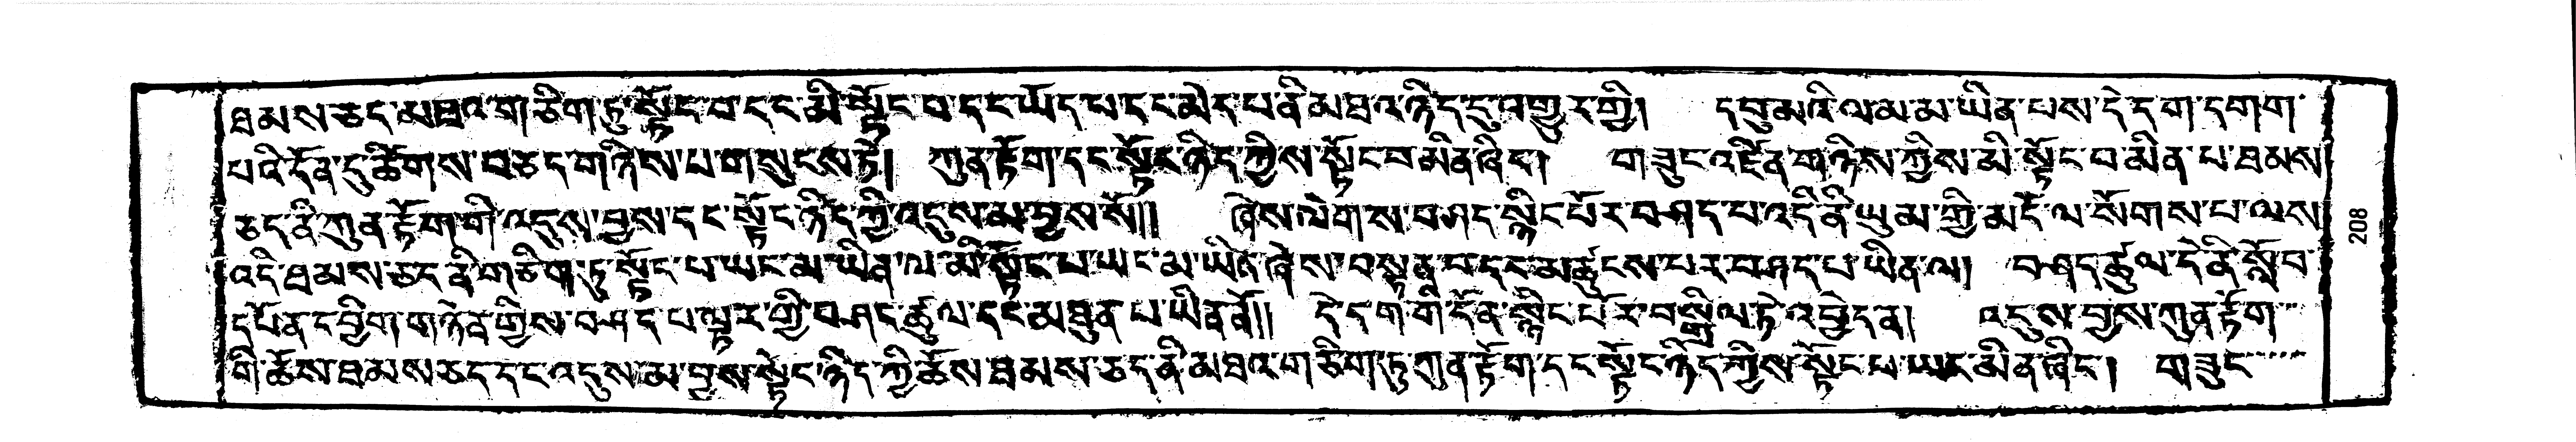ཐམས་ཅད་མཐའ་གཅིག་ཏུ་སྟོང་བ་དང་མི་སྟོང་བ་དང་ཡོད་པ་དང་མེད་པ་ནི་མཐའ་ཉིད་དུ་འགྱུར་གྱི། དབུ་མའི་ལམ་མ་ཡིན་པས་དེ་དག་དགག་
པའི་དོན་དུ་ཚིགས་བཅད་གཉིས་པ་གསུངས་ཏེ། ཀུན་རྟོག་དང་སྟོང་ཉིད་ཀྱིས་སྟོང་པ་མིན་ཞིང་། གཟུང་འཛིན་གཉིས་ཀྱིས་མི་སྟོང་བ་མིན་པ་ཐམས་
ཅད་ནི་ཀུན་རྟོག་གི་འདུས་བྱས་དང་སྟོང་ཉིད་ཀྱི་འདུས་མ་བྱས་སོ།། ཞེས་ལེགས་བཤད་སྙིང་པོར་བཤད་པ་འདི་ནི་ཡུམ་གྱི་མདོ་ལ་སོགས་པ་ལས་
འདི་ཐམས་ཅད་ནི་གཅིག་ཏུ་སྟོང་པ་ཡང་མ་ཡིན་ལ་མི་སྟོང་པ་ཡང་མ་ཡིན་ཞེས་བསྟན་པ་དང་མཚུངས་པར་བཤད་པ་ཡིན་ལ། བཤད་ཚུལ་དེ་ནི་སློབ་
དཔོན་དབྱིག་གཉེན་གྱིས་བཤད་པ་ལྟར་གྱི་བཤད་ཚུལ་དང་མཐུན་པ་ཡིན་ནོ།། དེ་དག་གི་དོན་སྙིང་པོར་བསྒྲིལ་ཏེ་འབྱེད་ན། འདུས་བྱས་ཀུན་རྟོག་
གི་ཆོས་ཐམས་ཅད་དང་འདུས་མ་བྱས་སྟོང་ཉིད་ཀྱི་ཆོས་ཐམས་ཅད་ནི་མཐའ་གཅིག་ཏུ་ཀུན་རྟོག་དང་སྟོང་ཉིད་ཀྱིས་སྟོང་པ་ཡང་མིན་ཞིང་། གཟུང་